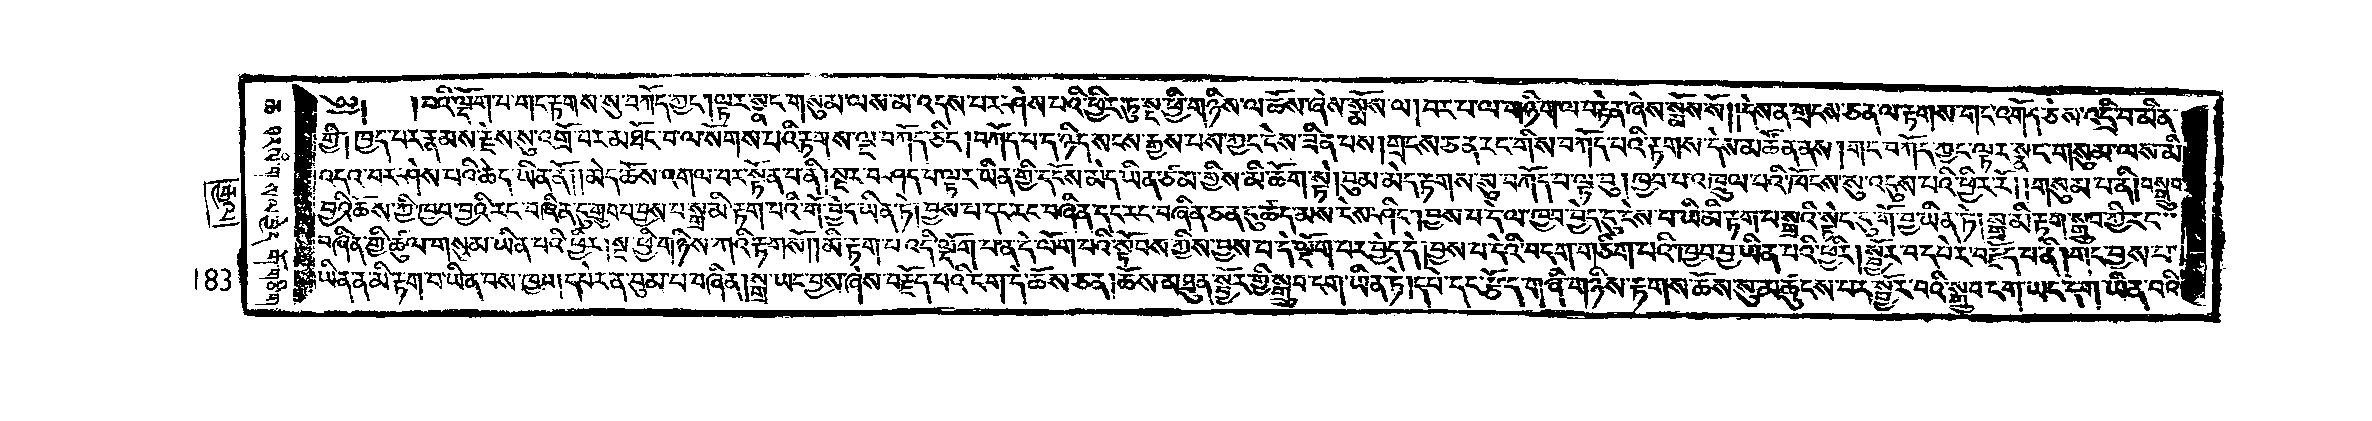༄༅། །པའི་ལྡོག་པ་གང་རྟགས་སུ་བཀོད་ཀྱང་། ལྟར་སྣང་གསུམ་ལས་མ་འདས་པར་ཤེས་པའི་ཕྱིར་ཏུ་སྔ་ཕྱི་གཉིས་ལ་ཆོས་ཞེས་སྨོས་ལ། བར་པ་ལ་གཉི་ག་ལ་བརྟེན་ཞེས་སྨོས་སོ། །དེས་ན་གྲངས་ཅན་ལ་རྟགས་གང་འགོད་ཅེས་འདྲི་བ་མིན་
གྱི། ཁྱད་པར་རྣམས་རྗེས་སུ་འགྲོ་བར་མཐོང་བ་ལ་སོགས་པའི་རྟགས་ལྔ་བཀོད་ཅིང་། བཀོད་པ་དེ་ཉིད་སངས་རྒྱས་པས་ཀྱང་ངེས་ཟིན་པས། གྲངས་ཅན་རང་གིས་བཀོད་པའི་རྟགས་དེས་མཚོན་ནས། གང་བཀོད་ཀྱང་ལྟར་སྣང་གསུམ་ལས་མི་
འདའ་བར་ཤེས་པའི་ཆེད་ཡིན་ནོ། །མེད་ཆོས་འགལ་བར་སྟོན་པ་ནི། སྔར་བཤད་པ་ལྟར་ཡིན་གྱི་དངོས་མེད་ཡིན་ཙམ་གྱིས་མི་ཆོག་སྟེ། བུམ་མེད་རྟགས་སུ་བཀོད་པ་ལྟ་བུ། ཁྱབ་པ་འཁྲུལ་པའི་ཁོངས་སུ་འདུས་པའི་ཕྱིར་རོ། །གསུམ་པ་ནི། བསྒྲུབ་
བྱའི་ཆོས་ཀྱི་ཁྱབ་བྱའི་རང་བཞིན་དུ་གྲུབ་པ་བྱས་པ་སྒྲ་མི་རྟག་པའི་གོ་བྱེད་ཡིན་ཏེ། བྱས་པ་དང་རང་བཞིན་དང་རང་བཞིན་ཅན་དུ་ཚད་མས་ངེས་ཤིང་། བྱས་པ་དེ་ལ་ཁྱབ་བྱེད་དུ་ངེས་པ་ཡི་མི་རྟག་པ་སྒྲའི་སྟེང་དུ་གོ་བྱ་ཡིན་ཏེ། སྒྲ་མི་རྟག་སྒྲུབ་ཀྱི་རང་
བཞིན་གྱི་ཚུལ་གསུམ་ཡིན་པའི་ཕྱིར། སྔ་ཕྱི་གཉིས་ཀའི་རྟགས་སོ། །མི་རྟག་པ་འདི་ལྡོག་པ་ན་དེ་ལོག་པའི་སྟོབས་ཀྱིས་བྱས་པ་དེ་ལྡོག་པར་བྱེད་དེ། བྱས་པ་དེའི་བདག་གཅིག་པའི་ཁྱབ་བྱ་ཡིན་པའི་ཕྱིར། སྦྱོར་བ་དཔེར་བརྗོད་པ་ནི། གང་བྱས་པ་
ཡིན་ན་མི་རྟག་པ་ཡིན་པས་ཁྱབ། དཔེར་ན་བུམ་པ་བཞིན། སྒྲ་ཡང་བྱས་ཞེས་བརྗོད་པའི་ངག་དེ་ཆོས་ཅན། ཆོས་མཐུན་སྦྱོར་གྱི་སྒྲུབ་ངག་ཡིན་ཏེ། དཔེ་དང་རྩོད་གཞི་གཉིས་རྟགས་ཆོས་སུ་མཚུངས་པར་སྦྱོར་བའི་སྒྲུབ་ངག་ཡང་དག་ཡིན་པའི་